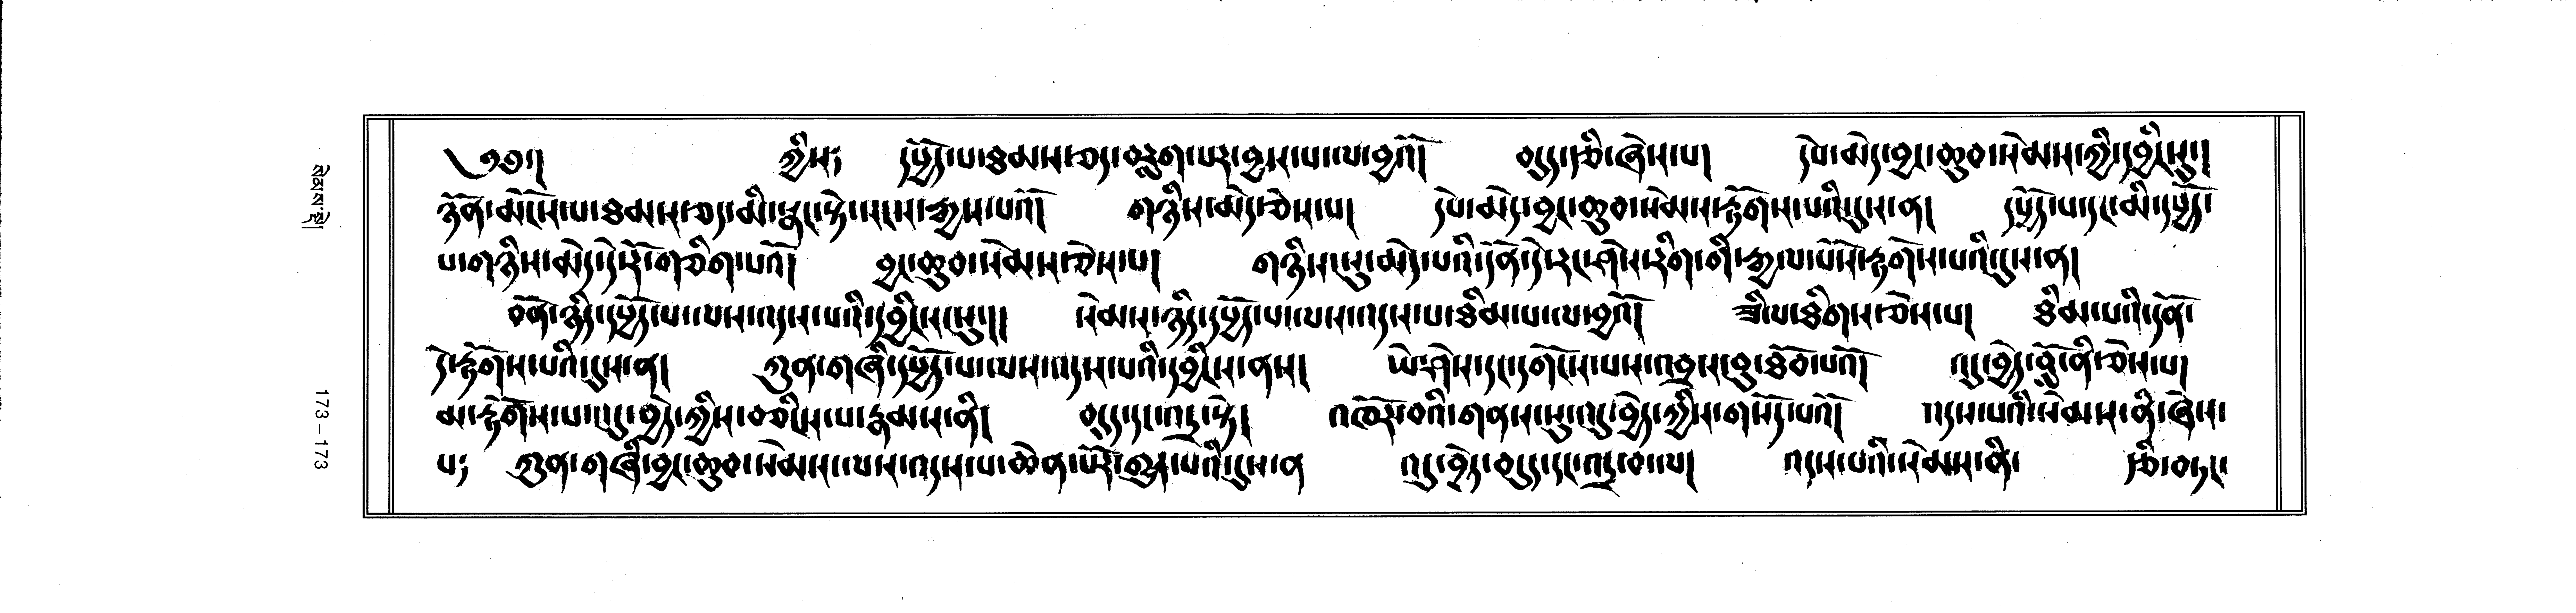ཀྱིས། དཔྱོད་པ་ཐམས་ཅད་བརླག་པར་བྱས་པ་ལ་བྱའོ། །བདུད་རྩི་ཞེས་པ། དཔེ་མེད་བྱང་ཆུབ་སེམས་ཀྱི་དབྱིངས་སུ། 
ཉོན་མོངས་པ་ཐམས་ཅད་མི་སྣང་སྟེ་སངས་རྒྱས་པའོ། །གཉིས་མེད་ཅེས་པ། དཔེ་མེད་བྱང་ཆུབ་སེམས་རྟོགས་པའི་དུས་ན། དཔྱོད་པ་དང་མི་དཔྱོད་
པ་གཉིས་མེད་རོ་གཅིག་པའོ། །བྱང་ཆུབ་སེམས་ཅེས་པ། གཉིས་སུ་མེད་པའི་དོན་དེ་རང་ཤེས་རིག་གི་རྒྱལ་པོས་རྟོགས་པའི་དུས་ན། 
བོན་ཉིད་དཔྱོད་པ་ལས་འདས་པའི་དབྱིངས་སུ། སེམས་ཉིད་དཔྱོད་པ་ལས་འདས་པ་ཐིམ་པ་ལ་བྱའོ། །ཟིལ་ཐིགས་ཅེས་པ། ཐིམ་པའི་དོན་
དེ་རྟོགས་པའི་དུས་ན། ཀུན་གཞི་དཔྱོད་པ་ལས་འདས་པའི་དབྱིངས་ནས། ཡེ་ཤེས་དང་དགོངས་པ་འབྲས་བུ་ཐོབ་པའོ། །འདུ་བྱེད་བློ་ནི་ཅེས་པ། 
མ་རྟོགས་པ་འདུ་བྱེད་ཀྱིས་བཅིངས་པ་རྣམས་ནི། བདུད་དང་འདྲ་སྟེ། འཁོར་བའི་གནས་སུ་འདུ་བྱེད་ཀྱིས་གསོད་པའོ། །འདས་པའི་སེམས་ནི་ཞེས་
པ། ཀུན་གཞི་བྱང་ཆུབ་སེམས་ལས་འདས་པ་ཆེན་པོར་གྱུར་པའི་དུས་ན། འདུ་བྱེད་བདུད་དང་འདྲ་སྟེ། འདས་པའི་སེམས་ནི་རྩི་བཏང་